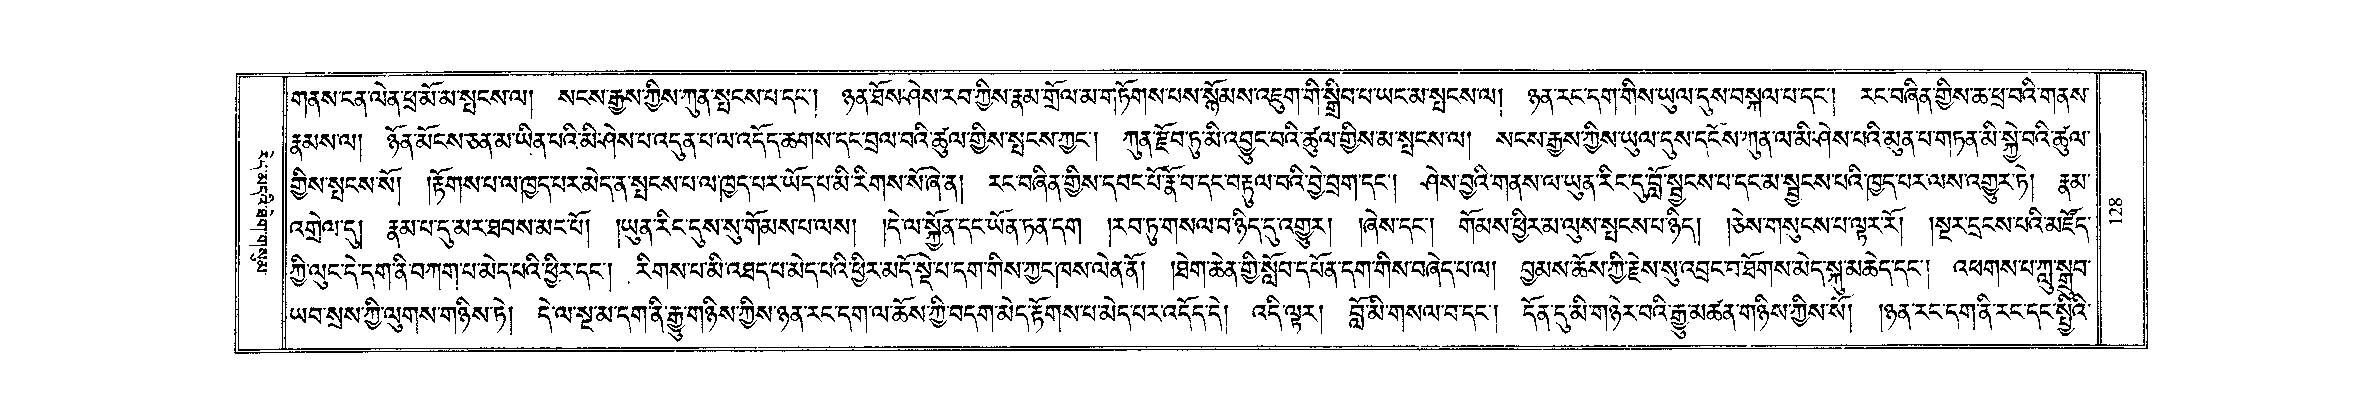གནས་ངན་ལེན་ཕྲ་མོ་མ་སྤངས་ལ། སངས་རྒྱས་ཀྱིས་ཀུན་སྤངས་པ་དང་། ཉན་ཐོས་ཤེས་རབ་ཀྱིས་རྣམ་གྲོལ་མ་གཏོགས་པས་སྙོམས་འཇུག་གི་སྒྲིབ་པ་ཡང་མ་སྤངས་ལ། ཉན་རང་དག་གིས་ཡུལ་དུས་བསྐལ་པ་དང་། རང་བཞིན་གྱིས་ཆ་ཕྲ་བའི་གནས་
རྣམས་ལ། ཉོན་མོངས་ཅན་མ་ཡིན་པའི་མི་ཤེས་པ་འདུན་པ་ལ་འདོད་ཆགས་དང་བྲལ་བའི་ཚུལ་གྱིས་སྤངས་ཀྱང་། ཀུན་རྫོབ་ཏུ་མི་འབྱུང་བའི་ཚུལ་གྱིས་མ་སྤངས་ལ། སངས་རྒྱས་ཀྱིས་ཡུལ་དུས་དངོས་ཀུན་ལ་མི་ཤེས་པའི་མུན་པ་གཏན་མི་སྐྱེ་བའི་ཚུལ་
གྱིས་སྤངས་སོ། །རྟོགས་པ་ལ་ཁྱད་པར་མེད་ན་སྤངས་པ་ལ་ཁྱད་པར་ཡོད་པ་མི་རིགས་སོ་ཞེ་ན། རང་བཞིན་གྱིས་དབང་པོ་རྣོ་བ་དང་བརྟུལ་བའི་བྱེ་བྲག་དང་། ཤེས་བྱའི་གནས་ལ་ཡུན་རིང་དུ་བློ་སྦྱངས་པ་དང་མ་སྦྱངས་པའི་ཁྱད་པར་ལས་འགྱུར་ཏེ། རྣམ་
འགྲེལ་དུ། རྣམ་པ་དུ་མར་ཐབས་མང་པོ། །ཡུན་རིང་དུས་སུ་གོམས་པ་ལས། །དེ་ལ་སྐྱོན་དང་ཡོན་ཏན་དག །རབ་ཏུ་གསལ་བ་ཉིད་དུ་འགྱུར། །ཞེས་དང་། གོམས་ཕྱིར་མ་ལུས་སྤངས་པ་ཉིད། །ཅེས་གསུངས་པ་ལྟར་རོ། །སྔར་དྲངས་པའི་མཛོད་
ཀྱི་ལུང་དེ་དག་ནི་བཀག་པ་མེད་པའི་ཕྱིར་དང་། རིགས་པ་མི་འཐད་པ་མེད་པའི་ཕྱིར་མདོ་སྡེ་པ་དག་གིས་ཀྱང་ཁས་ལེན་ནོ། །ཐེག་ཆེན་གྱི་སློབ་དཔོན་དག་གིས་བཞེད་པ་ལ། བྱམས་ཆོས་ཀྱི་རྗེས་སུ་འབྲང་བ་ཐོགས་མེད་སྐུ་མཆེད་དང་། འཕགས་པ་ཀླུ་སྒྲུབ་
ཡབ་སྲས་ཀྱི་ལུགས་གཉིས་ཏེ། དེ་ལ་སྔ་མ་དག་ནི་རྒྱུ་གཉིས་ཀྱིས་ཉན་རང་དག་ལ་ཆོས་ཀྱི་བདག་མེད་རྟོགས་པ་མེད་པར་འདོད་དེ། འདི་ལྟར། བློ་མི་གསལ་བ་དང་། དོན་དུ་མི་གཉེར་བའི་རྒྱུ་མཚན་གཉིས་ཀྱིས་སོ། །ཉན་རང་དག་ནི་རང་དང་སྤྱིའི་